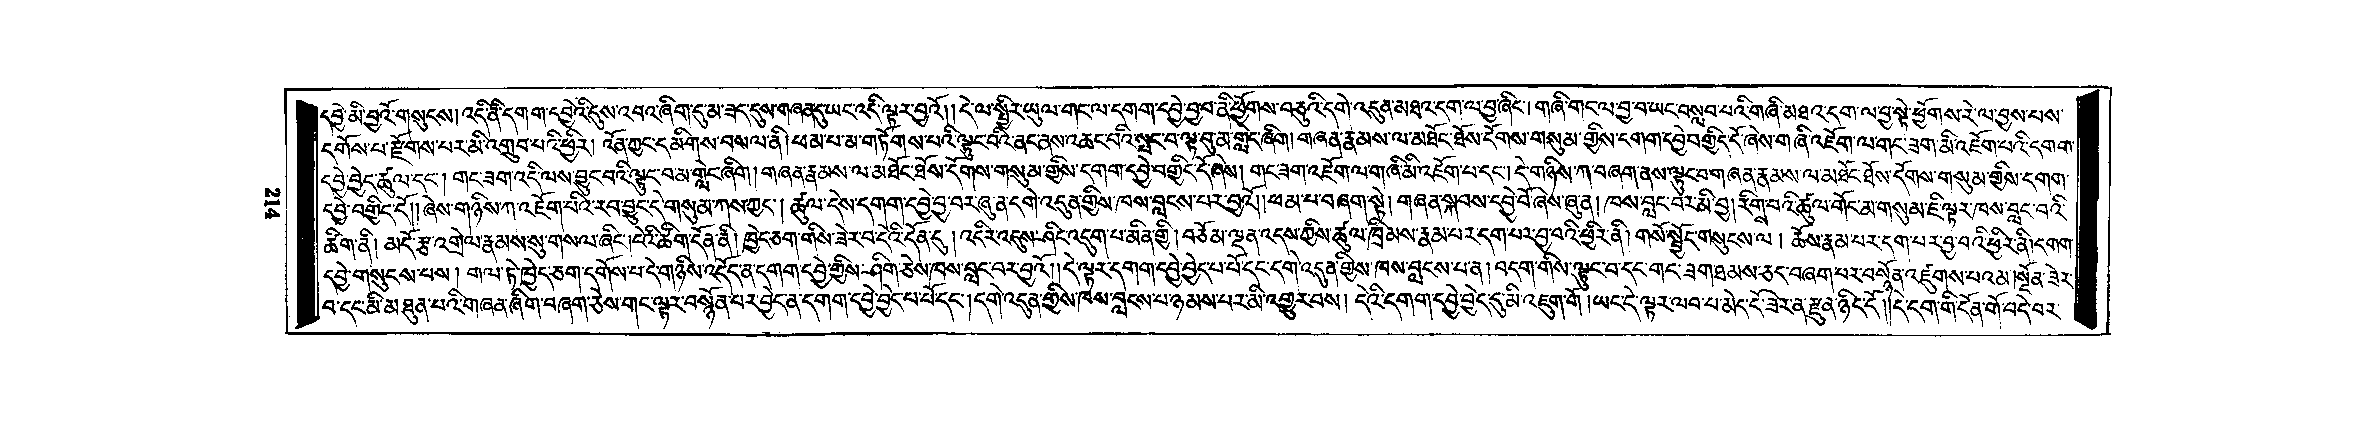དབྱེ་མི་བྱའོ་གསུངས། འདི་ནི་དགག་དབྱེའི་དུས་འབའ་ཞིག་དུ་མ་ཟད་དུས་གཞན་དུ་ཡང་འདི་ལྟར་བྱའོ། །དེ་ལ་སྤྱིར་ཡུལ་གང་ལ་དགག་དབྱེ་བྱ་བ་ནི་ཕྱོགས་བཅུའི་དགེ་འདུན་མཐའ་དག་ལ་བྱ་ཞིང་། གཞི་གང་ལ་བྱ་བ་ཡང་བསླབ་པའི་གཞི་མཐའ་དག་ལ་བྱ་སྟེ་ཕྱོགས་རེ་ལ་བྱས་པས་
དགོས་པ་རྫོགས་པར་མི་འགྲུབ་པའི་ཕྱིར། འོན་ཀྱང་དམིགས་བསལ་ནི། ཕམ་པ་མ་གཏོགས་པའི་ལྟུང་བའི་ནང་ནས་འཆང་བའི་སྤང་བ་ལྟ་བུ་མ་གླེང་ཞིག །གཞན་རྣམས་ལ་མཐོང་ཐོས་དོགས་གསུམ་གྱིས་དགག་དབྱེ་བགྱིད་དོ་ཞེས་གཞི་འཇོག་ལ་གང་ཟག་མི་འཇོག་པའི་དགག་
དབྱེ་བྱེད་ཚུལ་དང་། གང་ཟག་འདི་ལས་བྱུང་བའི་ལྟུང་བ་མ་གླེང་ཞིག །གཞན་རྣམས་ལ་མཐོང་ཐོས་དགོས་གསུམ་གྱིས་དགག་དབྱེ་བགྱིད་དོ་ཞེས། གང་ཟག་འཇོག་ལ་གཞི་མི་འཇོག་པ་དང་། དེ་གཉིས་ཀ་བཞག་ནས་ལྟུང་བ་གཞན་རྣམས་ལ་མཐོང་ཐོས་དགོས་གསུམ་གྱིས་དགག་
དབྱེ་བགྱིད་དོ། །ཞེས་གཉིས་ཀ་འཇོག་པའི་རབ་བྱུང་དེ་གསུམ་ཀས་ཀྱང་། ཚུལ་དེས་དགག་དབྱེ་བྱ་བར་ཞུ་ན་དགེ་འདུན་གྱིས་ཁས་བླངས་པར་བྱའོ། །ཕམ་པ་བཞག་སྟེ། གཞན་སྐབས་དབྱེ་བོ་ཞེས་ཞེས་ཞུ་ན། ཁས་བླང་བར་མི་བྱ། རིགས་པའི་ཚུལ་གོང་མ་གསུམ་ཇི་ལྟར་ཁས་བླང་བའི་
ཚིག་ནི། མདོ་རྩ་འགྲེལ་རྣམས་སུ་གསལ་ཞིང་། ངེའི་ཚིག་དོན་ནི། ཁྱེད་ཅག་གིས་ཟེར་བ་དེའི་དོན་དུ། འདིར་འདུས་ཤིང་འདུག་པ་མིན་གྱི། བཅོམ་ལྡན་འདས་ཀྱིས་ཚུལ་ཁྲིམས་རྣམ་པར་དག་པར་བྱ་བའི་ཕྱིར་ནི། གསོ་སྦྱོང་གསུངས་ལ། ཆོས་རྣམ་པར་དག་པར་བྱ་བའི་ཕྱིར་ནི། དགག་
དབྱེ་གསུངས་པས། གལ་ཏེ་ཁྱེད་ཅག་དགོས་པ་དེ་གཉིས་འདོད་ན་དགག་དབྱེ་གྱིས་ཤིག་ཅེས་ཁས་བླང་བར་བྱའོ། །དེ་ལྟར་དགག་དབྱེ་བྱེད་པ་པོ་དང་དགེ་འདུན་གྱིས་ཁས་བླངས་པ་ན། བདག་གིས་ལྟུང་བ་དང་གང་ཟག་ཐམས་ཅད་བཞག་པར་བསྙོན་འཛུགས་པའམ། སྔོན་ཟེར་
བ་དང་མི་མཐུན་པའི་གཞན་ཞིག་བཞག་ཅེས་གང་ལྟར་བསྙོན་པར་བྱེད་ན་དགག་དབྱེ་བྱེད་པ་པོ་དང་། དགེ་འདུན་གྱིས་ཁས་བླངས་པ་ཉམས་པར་མི་འགྱུར་བས། དེའི་དགག་དབྱེ་བྱེད་དུ་མི་འཇུག་གོ །ཡང་དེ་ལྟར་ལབ་པ་མེད་དོ་ཟེར་ན་རྫུན་ཉིད་དོ། །དེ་དག་གི་དོན་གོ་བདེ་བར་